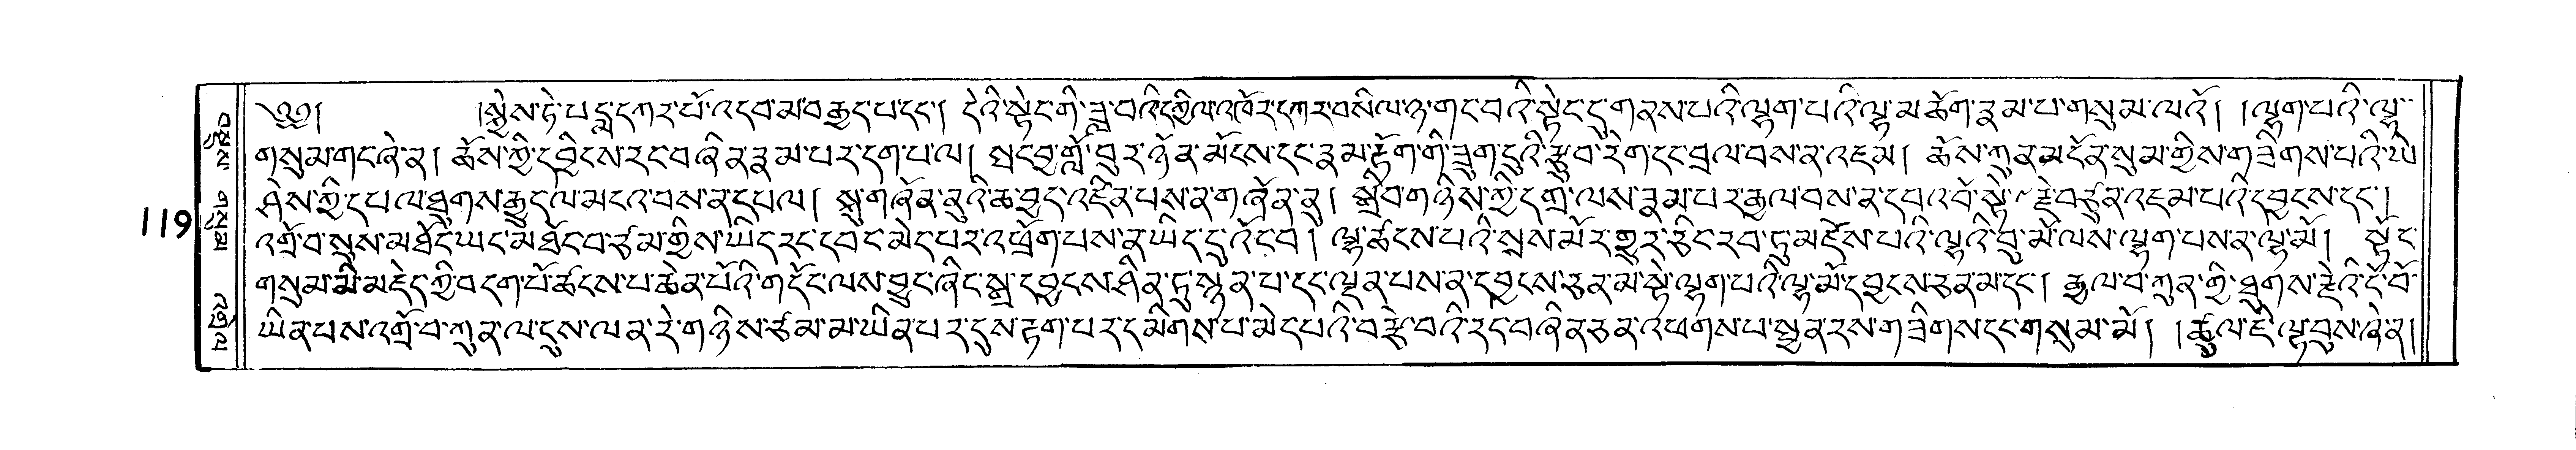༄༅། །སྐྱེས་ཏེ་པདམ་དཀར་པོ་འདབ་མ་བརྒྱ་དཔ་དང་། དེའི་སྟེང་གི་ཟླ་བའི་དཀྱིལ་འཁོར་དཀར་བསིལ་ཉ་གང་བའི་སྟེང་དུ་གནས་པའི་ལྷག་པའི་ལྷ་མཆོག་རྣམ་པ་གསུམ་ལའོ། །ལྷག་པའི་ལྷ་
གསུམ་གང་ཞེ་ན། ཆོས་ཀྱི་དབྱིངས་རང་བཞིན་རྣམ་པར་དག་པ་ལ། སྤང་བྱ་གློ་བུར་ཉོན་མོངས་དང་རྣམ་རྟོག་གི་ཟུག་དུའི་རྩུབ་རེག་དང་བྲལ་བས་ན་འཇམ། ཆོས་ཀུན་མངོན་སུམ་གྱིས་གཟིགས་པའི་ཡེ་
ཤེས་ཀྱི་དཔལ་ཐུགས་རྒྱུད་ལ་མངའ་བས་ན་དཔལ། སྐུ་གཞོན་ནུའི་ཆ་བྱང་འཛིན་པས་ན་གཞོན་ནུ། སྒྲིབ་གཉིས་ཀྱི་དགྲ་ལས་རྣམ་པར་རྒྱལ་བས་ན་དཔའ་བོ་སྟེ ༧རྗེ་བརྩུན་འཇམ་པའི་དབྱངས་དང་།
འགྲོ་བ་སུས་མཐོང་ཡང་མཐོང་བ་ཙམ་གྱིས་ཡིད་རང་དབང་མེད་པར་འཕྲོག་པས་ན་ཡིད་དུ་འོང་བ། ལྷ་ཚངས་པའི་སྲས་མོར་གྱུར་ཅིང་རབ་ཏུ་མཛེས་པའི་ལྷའི་བུ་མོ་ལས་ལྷག་པས་ན་ལྷ་མོ། སྟོང་
གསུམ་མི་མཇེད་ཀྱི་བདག་པོ་ཚངས་པ་ཆེན་པོའི་གདོང་ལས་བྱུང་ཞིང་སྒྲ་དབྱངས་ཤིན་ཏུ་སྙན་པ་དང་ལྡན་པས་ན་དབྱངས་ཅན་མ་སྟེ་ལྷག་པའི་ལྷ་མོ་དབྱངས་ཅན་མ་དང་། རྒྱལ་བ་ཀུན་གྱི་ཐུགས་རྗེའི་ངོ་བོ་
ཡིན་པས་འགྲོ་བ་ཀུན་ལ་དུས་ལན་རེ་གཉིས་ཙམ་མ་ཡིན་པར་དུས་རྟག་པར་དམིགས་པ་མེད་པའི་བརྩེ་བའི་རང་བཞིན་ཅན་འཕགས་པ་སྤྱན་རས་གཟིགས་དང་གསུམ་མོ། །ཚུལ་ཇི་ལྟ་བུས་ཞེ་ན།